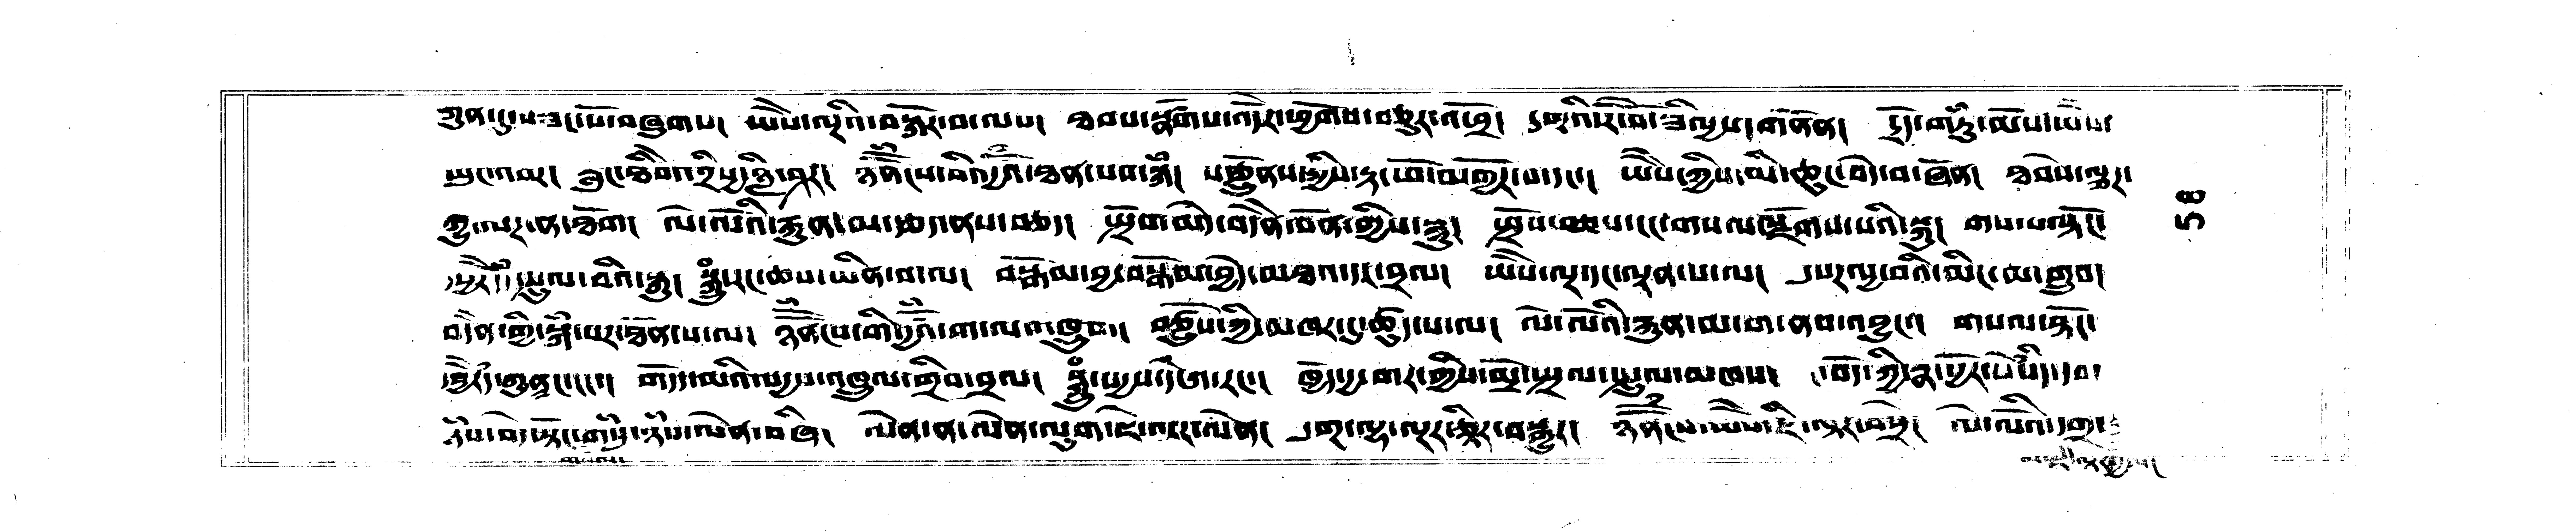ཀུན་ཏུ་བཟང་པོ་བཞུགས། ཡེ་ཤེས་ལྔ་ཡིས་བསྐོར་བ་ལས། ཐབས་སྣ་ཚོགས་འོད་ཟེར་ཕྱོགས་བཅུར་འཕྲོ། དུག་ལྔའི་རི་བོ་ཟིལ་གྱིས་གནོན། དྲོད་གཏུམ་མོས་ཡེ་ཤེས་མེ་
དཔུང་འབར། རླུང་ཐིག་ལེ་གཉིས་ཀྱི་ཉི་ཟླ་ཤར། ཉོན་མོངས་པའི་རྒྱ་མཚོ་ཐན་པས་བསྐམ། བརྩོན་འགྲུས་ཀྱི་རྟ་ཕོ་མགྱོགས་པ་དང་། ཡེ་ཤེས་ཀྱི་མི་ཆུང་བདེ་བ་ཞོན། ཐབས་ཤེས་ལྕ
ཀྱུ་ལག་ན་ཐོགས། ལེ་ལོའི་རྐུན་མ་རྩད་ནས་བཅད། སྤྲོས་མེད་བདེ་ཆེན་བོན་གྱི་སྐུ། སྤྲོས་བཅས་ངང་གསལ་རྫོགས་པའི་སྐུ། གསལ་སྟོང་
དབྱེར་མེད་སྤྲུལ་པའི་སྐུ། སྐུ་གསུམ་རང་ཆས་ཡིན་པ་ལ། བསྒོམ་བྱ་སྒོམ་བྱེད་མཐའ་དང་བྲལ། ཡེ་ཤེས་ལྔ་དང་ལྡན་པ་ལ། དུག་ལྔ་བྱ་བའི་མིང་མ་གྲུབ།
 བདེ་ཆེན་གྱི་སྐམ་སར་ཐོན་པ་ལ། ཉོན་མོང་གི་རྒྱ་མཚོ་ག་ལ་འཁྲུག བརྩོན་འགྲུས་ཀྱི་མཁར་དུ་ཚུད་པ་ལ། ལེ་ལོའི་རྐུན་མ་ག་ནས་འབྱུང་། གསལ་སྟོང་
དབྱེར་མེད་ཀུན་བཟང་ངང་། གདོད་མའི་སངས་རྒྱས་འཁྲུལ་སྒྲིབ་བྲལ། སྐུ་གསུམ་སངས་རྒྱས་དེ་ཀ་རང་། ཁྱོད་རྒྱ་གར་གྱི་མཁའ་འགྲོ་སྤྲལ་སྤྲུལ་མཁས། ང་བོད་ཀྱི་རྣལ་འབྱོར་སེམས་ཉིད་དག
 ཉམས་བདེ་སྟོང་གསལ་གསུམ་ཉམས་ལེན་བཞི། ལེན་ན་ལེན་ལུགས་ཇི་ལྟར་ལེན། དུག་ལྔ་ལྷ་ལྔར་ཇི་ལྟར་བསྒྱུར། ཉོན་མོངས་ཡེ་ཤེས་ཇི་ལྟར་བསྲེ། ལེ་ལོའི་དགྲ་ལས་ཇི་ལྟར་རྒྱལ།